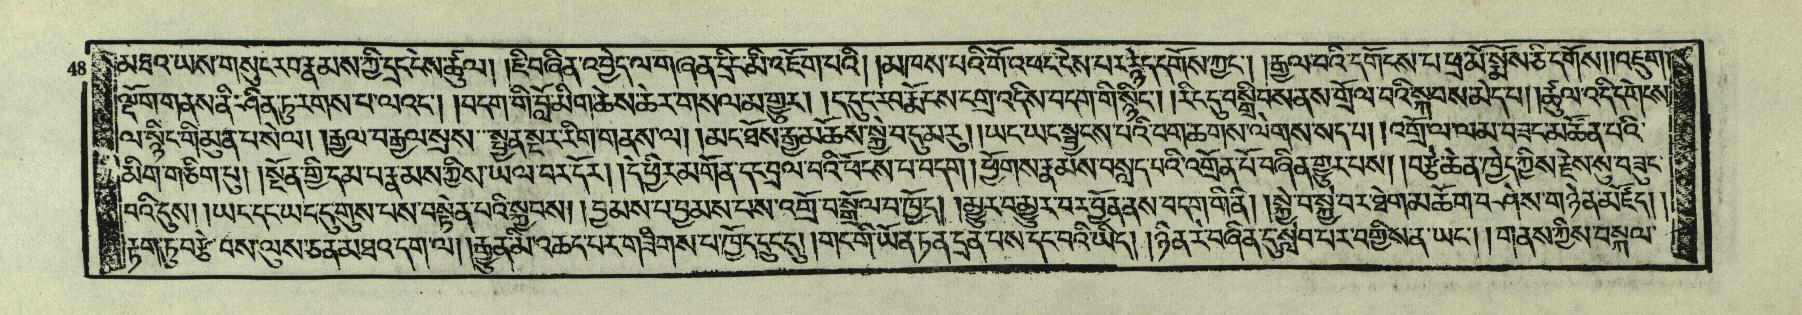མཐའ་ཡས་གསུང་རབ་རྣམས་ཀྱི་དྲང་ངེས་ཚུལ། །ཇི་བཞིན་འབྱེད་ལ་གཞན་དྲིང་མི་འཇོག་པའི། །མཁས་པའི་གོ་འཕང་ངེས་པར་རྙེད་དགོས་ཀྱང་། །རྒྱལ་བའི་དགོངས་པ་ཕྲ་མོ་སྨོས་ཅི་དགོས། །འཇུག་
ལྡོག་གནས་ནི་ཤིན་ཏུ་རགས་པ་ལའང་། །བདག་གི་བློ་མིག་ཆེས་ཆེར་གསལ་མ་གྱུར། །ད་དུང་རབ་རྨོངས་དགྲ་འདིས་བདག་གི་སྙིང་། །རིང་དུ་བསྒྲིབས་ནས་གྲོལ་བའི་སྐབས་མེད་པ། །ཚུལ་འདི་དགེངས་
ལ་སྙིང་གི་མུན་པ་སེལ། །རྒྱལ་བ་རྒྱལ་སྲས་སྤྱན་སྔར་རིག་གནས་ལ། །མང་ཐོས་རྒྱ་མཚོས་སྐྱེ་བ་དུ་མ་རུ། །ཡང་ཡང་སྦྱངས་པའི་བག་ཆགས་ལེགས་སད་པ། །འགྲོ་ལ་ལམ་བཟང་མཚོན་པའི་
མིག་གཅིག་པུ། །སྔོན་གྱི་དམ་པ་རྣམས་ཀྱིས་ཡལ་བར་དོར། །དེ་ཕྱིར་མགོན་དང་བྲལ་བའི་ཕོངས་པ་བདག། ཕྱོགས་རྣམས་བསླད་པའི་འགྲོན་པོ་བཞིན་གྱུར་པས། །བརྩེ་ཆེན་ཁྱེད་ཀྱིས་རྗེས་སུ་བཟུང་
བའི་དུས། །ཡང་དང་ཡང་དུ་གུས་པས་བསྟེན་པའི་སྐྱབས། །བྱམས་པ་བྱམས་པས་འགྲོ་བ་སྒྲོལ་བ་ཁྱོད། །མྱུར་བ་མྱུར་བར་བྱོན་ནས་བདག་གི་ནི། །སྐྱེ་བ་སྐྱེ་བར་ཐེག་མཆོག་བཤེས་གཉེན་མཛོད། །
རྟག་ཏུ་བརྩེ་བས་ལུས་ཅན་མཐའ་དག་ལ། །རྒྱུན་མི་འཆད་པར་གཟིགས་པ་ཁྱོད་དྲུང་དུ། །གང་གི་ཡོན་ཏན་དྲན་པས་དང་བའི་ཡིད། །ཉིན་རེ་བཞིན་དུ་སླེབ་པར་བགྱིས་ན་ཡང་། །གནས་ཀྱིས་བསྐལ་